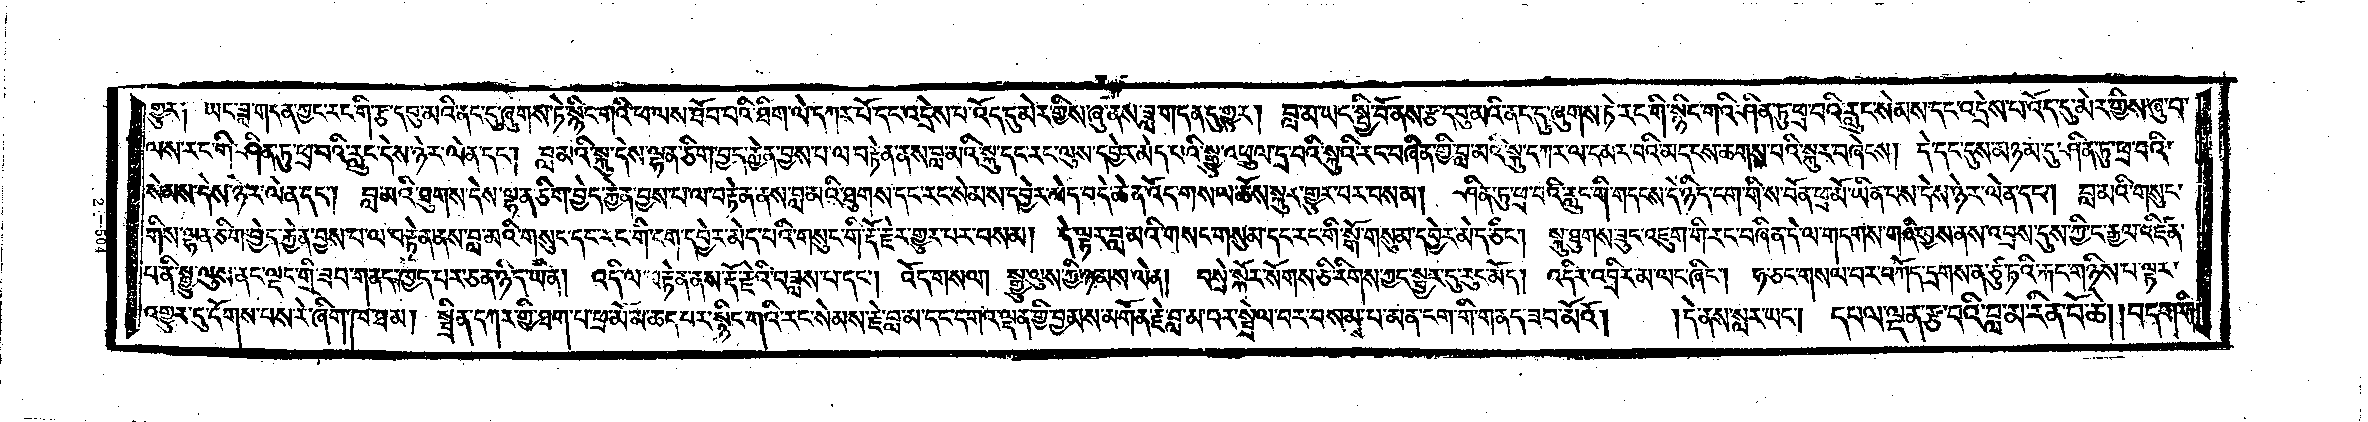གྱུར༑ ཡང་ཟླ་གདན་ཀྱང་རང་གི་རྩ་དབུ་མའི་ནང་དུ་ཞུགས་ཏེ་སྙིང་གའི་ཕ་ལས་ཐོབ་པའི་ཐིག་ལེ་དཀར་པོ་དང་འདྲེས་པ་འོད་དུ་མེར་གྱིས་ཞུ་ནས་ཟླ་གདན་དུ་གྱུར། བླ་མ་ཡང་སྤྱི་བོ་ནས་རྩ་དབུ་མའི་ནང་དུ་ཞུགས་ཏེ་རང་གི་སྙིང་གའི་ཤིན་ཏུ་ཕྲ་བའི་རླུང་སེམས་དང་འདྲེས་པ་འོད་དུ་མེར་གྱིས་ཞུ་བ་
ལས་རང་གི་ཤིན་ཏུ་ཕྲ་བའི་རླུང་དེས་ཉེར་ལེན་དང་། བླ་མའི་སྐུ་དེས་ལྷན་ཅིག་བྱད་རྐྱེན་བྱས་པ་ལ་བརྟེན་ནས་བླ་མའི་སྐུ་དང་རང་ལུས་དབྱེར་མེད་པའི་སྒྱུ་འཕྲུལ་དྲ་བའི་སྐུའི་རང་བཞིན་གྱི་བླ་མའི་སྐུ་དཀར་ལ་དམར་བའི་མདངས་ཆགས་པའི་སྐུར་བཞེངས། དེ་དང་དུས་མཉམ་དུ་ཤིན་ཏུ་ཕྲ་བའི་
སེམས་དེས་ཉེར་ལེན་དང་། བླ་མའི་ཐུགས་དེས་ལྷན་ཅིག་བྱེད་རྐྱེན་བྱས་པ་ལ་བརྟེན་ནས་བླ་མའི་ཐུགས་དང་རང་སེམས་དབྱེར་མེད་བདེ་ཆེན་འོད་གསལ་ཆོས་སྐུར་གྱུར་པར་བསམ། ཤིན་ཏུ་ཕྲ་བའི་རླུང་གི་གདངས་དེ་ཉིད་ངག་གི་ས་བོན་ཕྲ་མོ་ཡིན་པས་དེས་ཉེར་ལེན་དང་། བླ་མའི་གསུང་
གིས་ལྷན་ཅིག་བྱེད་རྐྱེན་བྱས་པ་ལ་བརྟེན་ནས་བླ་མའི་གསུང་དང་རང་གི་ངག་དབྱེར་མེད་པའི་གསུང་གི་རྡོ་རྗེར་གྱུར་པར་བསམ། དེ་ལྟར་བླ་མའི་གསང་གསུམ་དང་རང་གི་སྒོ་གསུམ་དབྱེར་མེད་ཅིང་། སྐུ་ཐུགས་ཟུང་འཇུག་གི་རང་བཞིན་དེ་ལ་གདགས་གཞིར་བྱས་ནས་འབྲས་བུས་ཀྱི་ང་རྒྱལ་འཛིན་
པ་ནི་སྒྱུ་ལུས་ནང་ལྡང་གི་ཟབ་གནད་ཁྱད་པར་ཅན་ཉིད་ཡིན། འདི་ལ་བརྟེན་ནས་རྡོ་རྗེའི་བཟླས་པ་དང་། འོད་གསལ། སྒྱུ་ལུས་ཀྱི་ཉམས་ལེན། བསྲེ་སྐོར་སོགས་ཅི་རིགས་ཀྱང་སྦྱར་དུ་རུང་མོད། འདིར་འབྲིར་མ་ལང་ཞིང་། ཧ་ཅང་གསལ་བར་བཀོད་དྲགས་ན་ཙུ་ཏའི་རྐང་གཉིས་ཕ་ལྟར་
འགྱུར་དུ་དོགས་པས་རེ་ཞིག་ཁ་ཐམ། སྦྲིན་དཀར་གྱི་ཐག་པ་ཕྲ་མོ་མ་ཆད་པར་སྙིང་གའི་རང་སེམས་རྗེ་བླ་མ་དང་དགའ་ལྡན་གྱི་བྱམས་མགོན་རྗེ་བླ་མ་བར་སྦྲེལ་བར་བསམས་པ་མན་ངག་གི་གནད་ཟབ་མོའོ། །དེ་ནས་སླར་ཡང་། དཔལ་ལྡན་རྩ་བའི་བླ་མ་རིན་པོ་ཆེ། །བདག་གི་